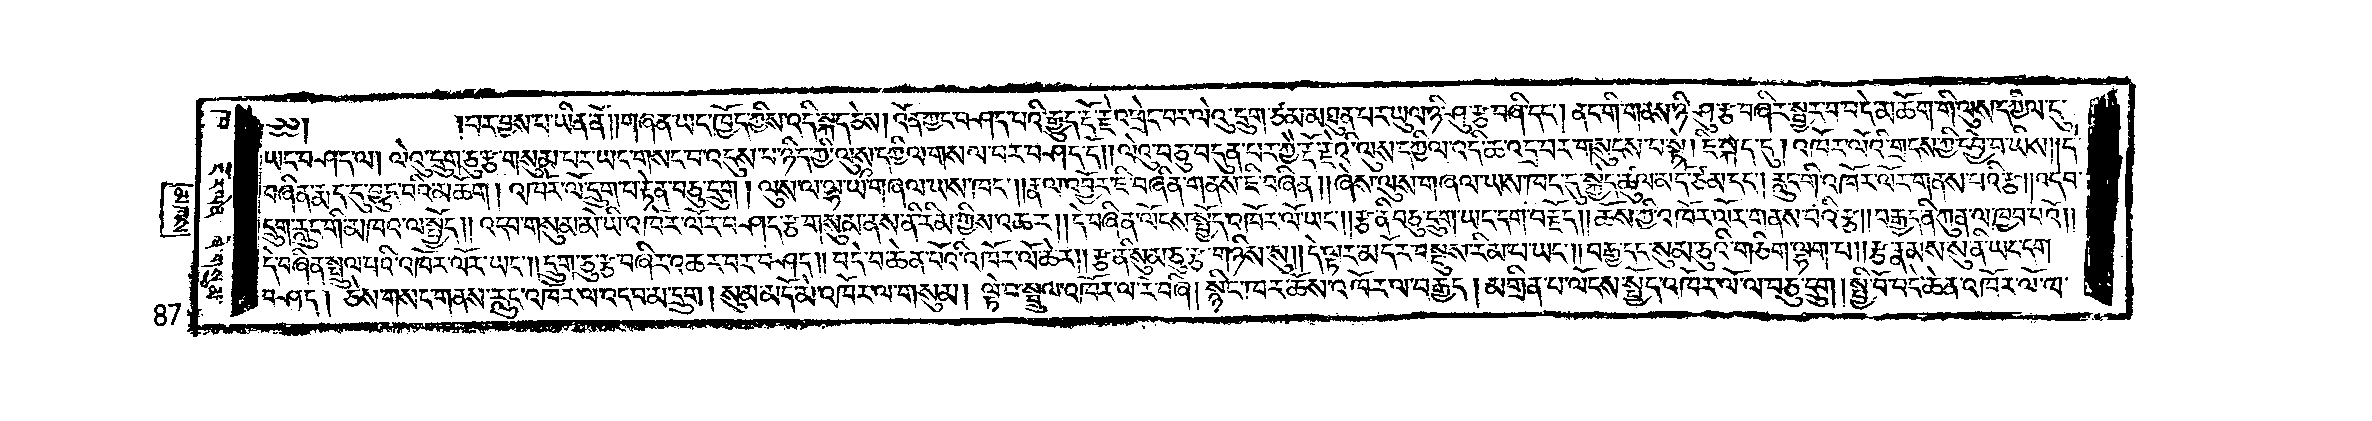༄༅། །པར་བྱས་པ་ཡིན་ནོ། །གཞན་ཡང་ཁྱོད་ཀྱིས་འདི་སྐད་ཅེས།འོན་ཀྱང་བཤད་པའི་རྒྱུད་རྡོ་རྗེ་འཕྲེང་བར་ལེའུ་དྲུག་ཙམ་མཐུན་པར་ཡུལ་ཉི་ཤུ་རྩ་བཞི་དང་། ནང་གི་གནས་ཉི་ཤུ་རྩ་བཞིར་སྦྱར་བ་བདེ་མཆོག་གི་ལུས་དཀྱིལ་དུ་
ཡང་བཤད་ལ། ལེའུ་དྲུག་ཅུ་རྩ་གསུམ་པར་ཡང་གསང་བ་འདུས་པ་ཉིད་ཀྱིས་ལུས་དཀྱིལ་གསལ་བར་བཤད་དོ། །ལེའུ་བཅུ་བདུན་པར་ཀྱཻ་རྡོ་རྗེའི་ལུས་དཀྱིལ་འདི་ཆ་འདྲ་བར་གསུངས་པ་སྟེ། ཇི་སྐད་དུ། འཁོར་ལོའི་གྲངས་ཀྱི་དབྱེ་བ་ཡིས། །དེ་
བཞིན་རྨད་དུ་བྱུང་བའི་མཆོག། འཁོར་ལོ་དྲུག་པ་རྟེན་བཅུ་དྲུག། ལུས་ལ་ལྷ་ཡི་གཞལ་ཡས་ཁང་། །རྣལ་འབྱོར་ཇི་བཞིན་གནས་ཇི་བཞིན། །ཞེས་ལུས་གཞལ་ཡས་ཁང་དུ་སྐྱེད་ཚུལ་མདོ་ཙམ་དང་། རླུང་གི་འཁོར་ལོར་གནས་པའི་རྩ། །འདབ་
དྲུག་རླུང་གི་མཁའ་ལ་སྤྱོད། །འདབ་གསུམ་མེ་ཡི་འཁོར་ལོར་བཤད་རྩ་གསུམ་ནས་ནི་རིམ་གྱིས་འཆར། །དེ་བཞིན་ལོངས་སྤྱོད་འཁོར་ལོ་ཡང་། །རྩ་ནི་བཅུ་དྲུག་ཡང་དག་བརྗོད། །ཆོས་ཀྱི་འཁོར་ལོར་གནས་པའི་རྩ། །བརྒྱད་ནི་ཀུན་ལ་ཁྱབ་པའོ། །
དེ་བཞིན་སྤྲུལ་པའི་འཁོར་ལོར་ཡང་། །དྲུག་ཅུ་རྩ་བཞི་འཆར་བར་བཤད། །བདེ་བ་ཆེན་པོའི་འཁོར་ལོ་ཆེར། །རྩ་ནི་སུམ་ཅུ་རྩ་གཉིས་སུ། །དེ་ལྟར་མདོར་བསྡུས་རིམ་པ་ཡང་། །བརྒྱ་དང་སུམ་ཅུའི་གཅིག་ལྷག་པ། །རྩ་རྣམས་སུ་ནི་ཡང་དག་
བཤད། ཅེས་གསང་གནས་རླུང་འཁོར་ལ་འདབ་མ་དྲུག། སུམ་མདོ་མེ་འཁོར་ལ་གསུམ། ལྟེ་བ་སྤྲུལ་འཁོར་ལ་རེ་བཞི། སྙིང་ཁར་ཆོས་འཁོར་ལ་བརྒྱད། མགྲིན་པ་ལོངས་སྤྱོད་འཁོར་ལོ་ལ་བཅུ་དྲུག། སྤྱི་བོ་བདེ་ཆེན་འཁོར་ལོ་ལྷ་